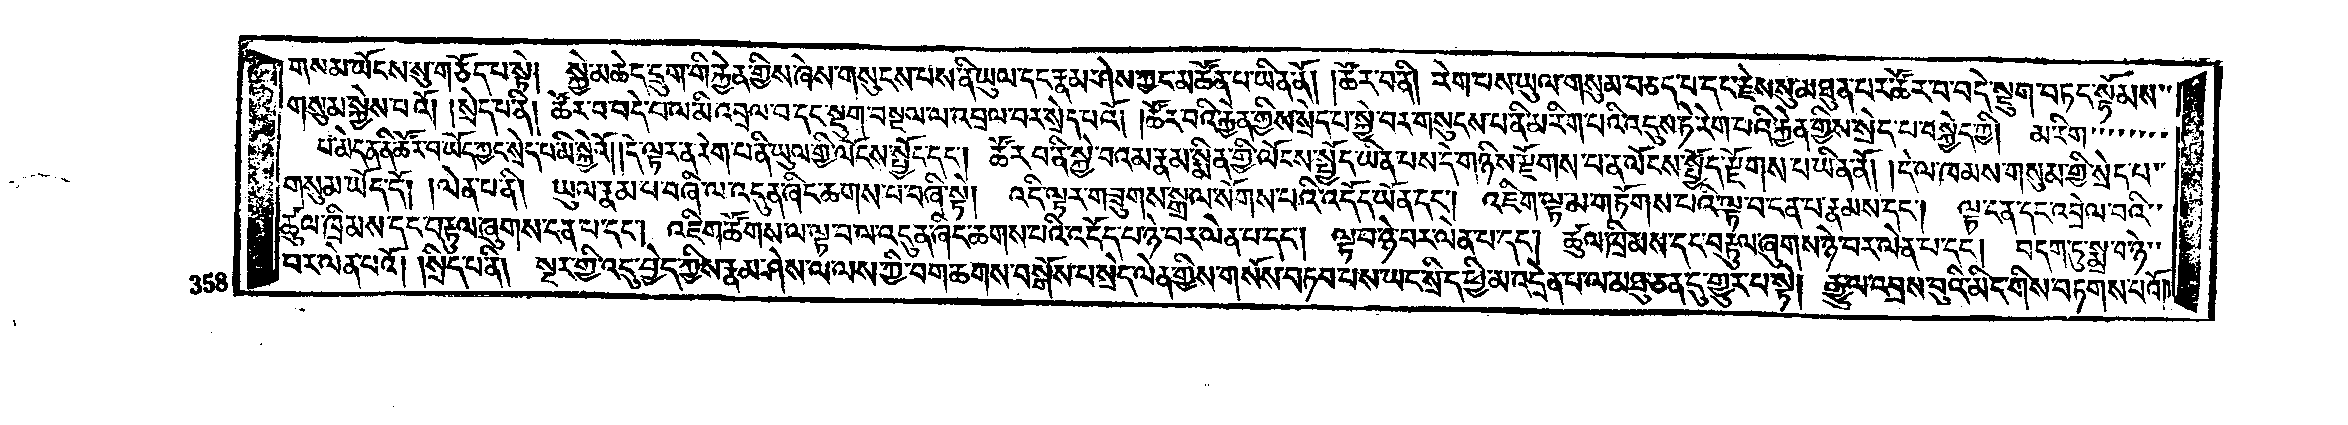གསུམ་ཡོངས་སུ་གཅོད་པ་སྟེ། སྐྱེ་མཆེད་དྲུག་གི་རྐྱེན་གྱིས་ཞེས་གསུངས་པས་ནི་ཡུལ་དང་རྣམ་ཤེས་ཀྱང་མཚོན་པ་ཡིན་ནོ། །ཚོར་བ་ནི། རེག་པས་ཡུལ་གསུམ་བཅད་པ་དང་རྗེས་སུ་མཐུན་པར་ཚོར་བ་བདེ་སྡུག་བཏང་སྙོམས་
གསུམ་སྐྱེས་པའོ། །སྲེད་པ་ནི། ཚོར་བ་བདེ་བ་ལ་མི་འབྲལ་བ་དང་སྡུག་བསྔལ་ལ་འབྲལ་བར་སྲེད་པའོ། །ཚོར་བའི་རྐྱེན་གྱིས་སྲེད་པ་སྐྱེ་བར་གསུངས་པ་ནི་མ་རིག་པའི་འདུས་ཏེ་རེག་པའི་རྐྱེན་གྱིས་སྲེད་པ་བསྐྱེད་ཀྱི། མ་རིག་
པ་མེད་ན་ནི་ཚོར་བ་ཡོད་ཀྱང་སྲེད་པ་མི་སྐྱེའོ། །དེ་ལྟར་ན་རེག་པ་ནི་ཡུལ་གྱི་ལོངས་སྤྱོད་དང་། ཚོར་བ་ནི་སྐྱེ་བའམ་རྣམ་སྨིན་གྱི་ལོངས་སྤྱོད་ཡིན་པས་དེ་གཉིས་རྫོགས་པ་ན་ལོངས་སྤྱོད་རྫོགས་པ་ཡིན་ནོ། །དེ་ལ་ཁམས་གསུམ་གྱི་སྲེད་པ་
གསུམ་ཡོད་དོ། །ལེན་པ་ནི། ཡུལ་རྣམ་པ་བཞི་ལ་འདུན་ཞིང་ཆགས་པ་བཞི་སྟེ། འདི་ལྟར་གཟུགས་སྒྲ་ལ་སོགས་པའི་འདོད་ཡོན་དང་། འཇིག་ལྟ་མ་གཏོགས་པའི་ལྟ་བ་ངན་པ་རྣམས་དང་། ལྟ་ངན་དང་འབྲེལ་བའི་
ཚུལ་ཁྲིམས་དང་བརྟུལ་ཞུགས་ངན་པ་དང་། འཇིག་ཚོགས་ལ་ལྟ་བ་ལ་འདུན་ཞིང་ཆགས་པའི་འདོད་པ་ཉེ་བར་ལེན་པ་དང་། ལྟ་བ་ཉེ་བར་ལེན་པ་དང་། ཚུལ་ཁྲིམས་དང་བརྟུལ་ཞུགས་ཉེ་བར་ལེན་པ་དང་། བདག་ཏུ་སྨྲ་བ་ཉེ་
བར་ལེན་པའོ། །སྲིད་པ་ནི། སྔར་གྱི་འདུ་བྱེད་ཀྱིས་རྣམ་ཤེས་ལ་ལས་ཀྱི་བག་ཆགས་བསྒོས་པ་སྲེད་ལེན་གྱིས་གསོས་བཏབ་པས་ཡང་སྲིད་ཕྱི་མ་འདྲེན་པ་ལ་མཐུ་ཅན་དུ་གྱུར་པ་སྟེ། རྒྱུ་ལ་འབྲས་བུའི་མིང་གིས་བཏགས་པའོ། །